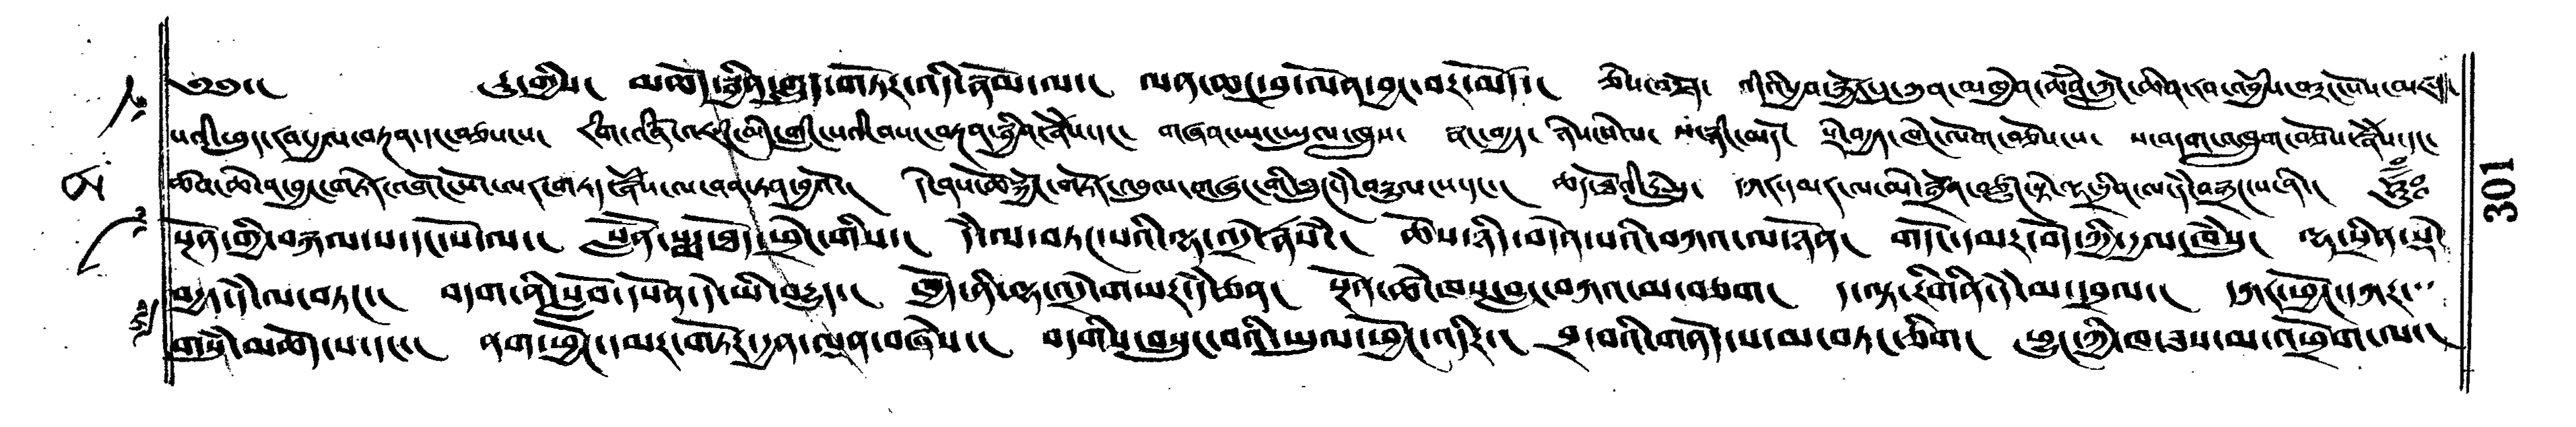རུ་གྱིས། །མཆོད་སྦྱིན་གླུད་གཏོར་འདི་སྣོམས་ལ། །ལན་ཆགས་བུ་ལོན་བྱང་བར་མཛོད། ཅེས་བརྗོད། འདིའི་རྒྱབ་སྐྱོར་དུ་ཀུན་མཁྱེན་ཀློང་ཆེན་རབ་འབྱམས་བཟང་པོས་མཛད་
པའི་ཕུད་རབ་རྒྱལ་བརྔན་དང་བཅས་པ། རིག་འཛིན་འཇིགས་མེད་གླིང་པའི་བསང་བརྔན་སྦྱིན་རྣམས་དང་། གཞན་ཡང་ཡུལ་ཁྲུས། སྣང་བརྒྱད། ཉེས་སེལ། ས་སྙིང་མདོ། སྡེ་བརྒྱད། ཁེངས་ལོག་བཅོས་པ། ས་བདག་འཁྲུགས་བཅོས་རྣམས་དང་
ཚབས་ཆེ་ན་བྱང་གཏེར་འགོང་པོ་ཨར་གཏད་རྣམས་ལ་ནན་ཏན་བྱའོ། དེ་ནས་ཆོས་སྐྱོང་གཏོར་འབུལ་གཞུང་གི་ཐུགས་དམ་བསྐུལ་པ་དང་། ཆད་ཐོའི་རྗེས་སུ། དཀར་དམར་ལ་མེ་སྒྲོན་བཙུགས་ཏེ་ལྷ་སྲིན་ལ་དམ་བསྒྲགས་པ་ནི ། ཧཱུྃ། 
སྔོན་གྱི་བསྐལ་པའི་དང་པོ་ལ། །སློབ་དཔོན་པདྨ་ཐོད་ཕྲེང་གིས། །དམ་ལ་བཏགས་པའི་ལྷ་འདྲེ་རྣམས། །ཆོས་ཉིད་བདེན་པའི་བཀའ་ལ་ཉོན། །གདོང་མར་བོད་ཀྱི་རྒྱལ་ཁམས་སུ། །ལྷ་སྲིན་སྡེ་
བརྒྱད་དམ་ལ་བཏགས། །བདག་ནི་སློབ་དཔོན་དེ་ཡི་བརྒྱུད།ཁྱེད་ནི་ལྷ་འདྲེ་གཡར་དམ་ཅན། །སྔོན་ཚེ་ཁས་བླངས་བཀའ་མ་གཅོག །ད་ལྟ་རིག་འཛིན་དམ་མ་དབྲལ། །དཀར་ཕྱོགས་དཀར་
གསུམ་མཆོད་པ་དང་། །ནག་ཕྱོགས་དམར་གཏོར་རྒྱན་ལྡན་བཞེས། །བདག་གིས་སྲུང་བའི་ཡུལ་ཕྱོགས་འདིར། །བྲ་བའི་གནོད་པ་མ་གཏོང་ཞིག ཕྱུགས་ཀྱི་ཁ་ཟས་མ་འཕྲོག་ལ།